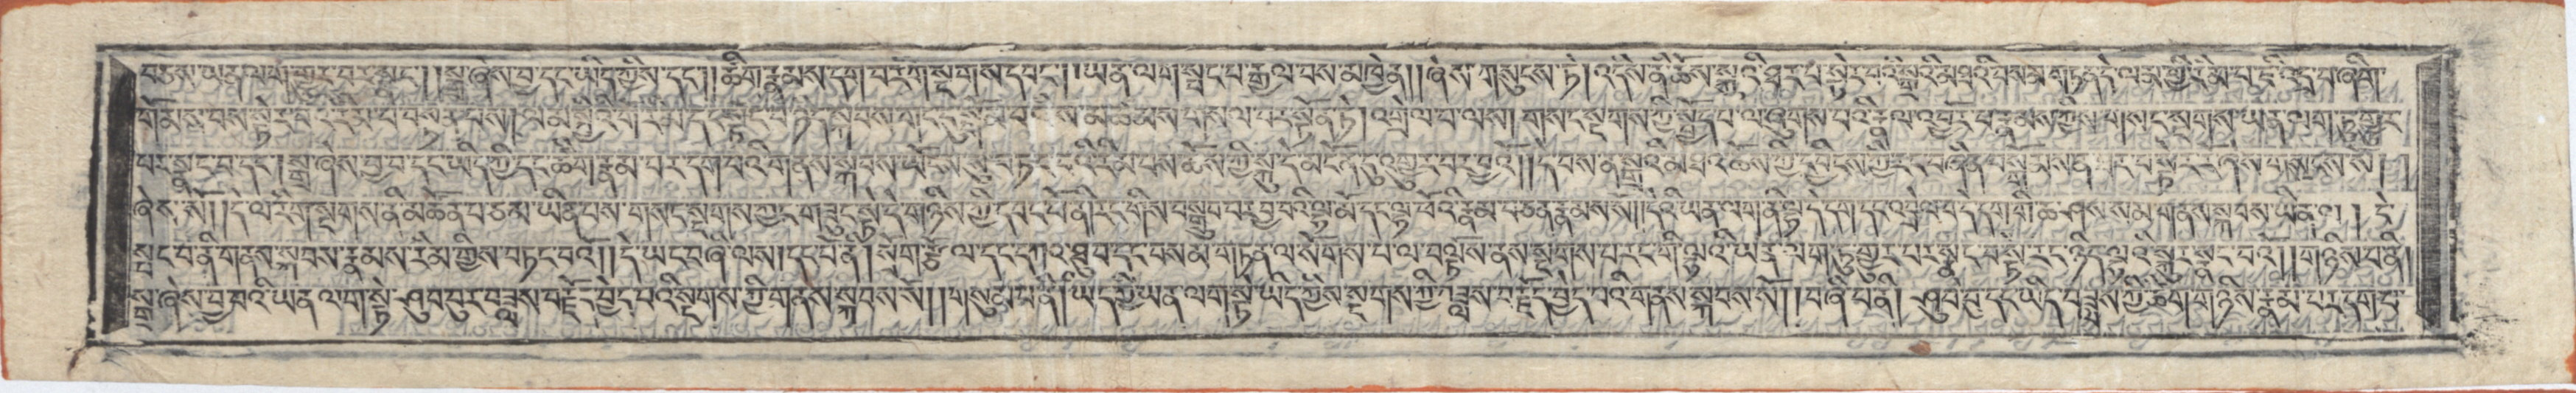བཅས་ཡན་ལག་གྱུར་བར་སྣང་། །སྒྲ་ཞེས་བྱ་དང་ཡིད་ཀྱིས་དང་། །ཚིག་རྣམས་དགེ་བ་རིག་སྔགས་དབང་། །ཡན་ལག་སྤང་པ་རྒྱལ་བས་མཁྱེན། །ཞེས་གསུངས་ཏེ། འདིས་ནི་ཆོས་སྐུའི་ཐར་པ་སྟེར་བའི་སྒྲའི་མཐའི་བསམ་གཏན་དེ་ལམ་གྱི་རིམ་པ་ཇི་འདྲ་བ་ཞིག་
གོམས་པས་སྟེར་བའི་རིམ་པ་བསྟན་པས། ལམ་སྤྱིའི་གོ་རིམ་དང་སྟོང་པ་ཉིད་སྐབས་གང་དུ་སྒོམ་པའི་ས་མཚམས་གསལ་བར་སྟོན་ཏེ། འགྲེལ་པ་ལས། གསང་སྔགས་ཀྱི་སྤྱོད་པ་ལ་ཞུགས་པའི་རྣལ་འབྱོར་པ་རྣམས་ཀྱིས་གསང་སྔགས་ཡན་ལག་ཏུ་གྱུར་
པར་སྣང་བ་དང་། སྒྲ་ཞེས་བྱ་བ་དང་ཡིད་ཀྱི་དང་ཚིག་རྣམ་པར་དག་པའི་གནས་སྐབས་ཡོངས་སུ་བཏང་བའི་རིམ་པས་ཆོས་ཀྱི་སྐུ་དེ་མངོན་དུ་འགྱུར་བར་བྱའོ། །དེ་བས་ན་སྒྲའི་མཐའ་ཆོས་ཀྱི་དབྱིངས་ཀྱི་རང་བཞིན་བསྒོམས་ན་ཐར་པ་སྟེར་རོ་ཞེས་གསུངས་སོ། །
ཞེས་སོ། །དེ་ལ་རིག་སྔགས་ནི་མཚོན་པ་ཙམ་ཡིན་པས་གསང་སྔགས་ཀྱང་གཟུང་སྟེ་དེ་གཉིས་ཀྱི་དབང་པོ་ནི། རང་གིས་བསྒྲུབ་པར་བྱ་བའི་ལྷ་མོ་དང་ལྷ་ཕོའི་རྣམ་པ་ཅན་རྣམས་སོ། །དེའི་ཡན་ལག་ནི་ལྷ་དེ་དག་དང་འབྲེལ་བ་དེ་དག་གི་ཆ་ཤས་སམ་གནས་སྐབས་ཡིན་ལ། དེ་
སྤང་བ་ནི་གནས་སྐབས་རྣམས་རིམ་གྱིས་བཏང་བའོ། །དེ་ཡང་བཞི་ལས། དང་པོ་ནི། སྲོག་རྩོལ་དང་དཀའ་ཐུབ་དང་བསམ་གཏན་ལ་སོགས་པ་ལ་བལྟོས་ནས་སྔགས་པ་རང་གི་ལྷའི་ཡན་ལག་ཏུ་གྱུར་པར་སྣང་བ་སྟེ་རང་ཉིད་ལྷའི་སྐུར་སྣང་བའོ། །གཉིས་པ་ནི།
སྒྲ་ཞེས་བྱ་བའི་ཡན་ལག་སྟེ་ཤུབ་བུར་བཟླས་བརྗོད་བྱེད་པའི་སྔགས་ཀྱི་གནས་སྐབས་སོ། །གསུམ་པ་ནི། ཡིད་ཀྱི་ཡན་ལག་སྟེ་ཡིད་ཀྱིས་སྔགས་ཀྱི་བཟླས་བརྗོད་བྱེད་པའི་གནས་སྐབས་སོ། །བཞི་པ་ནི། ཤུབ་བུ་དང་ཡིད་བཟླས་ཀྱི་ཚིག་གཉིས་རྣམ་པར་དག་པ་